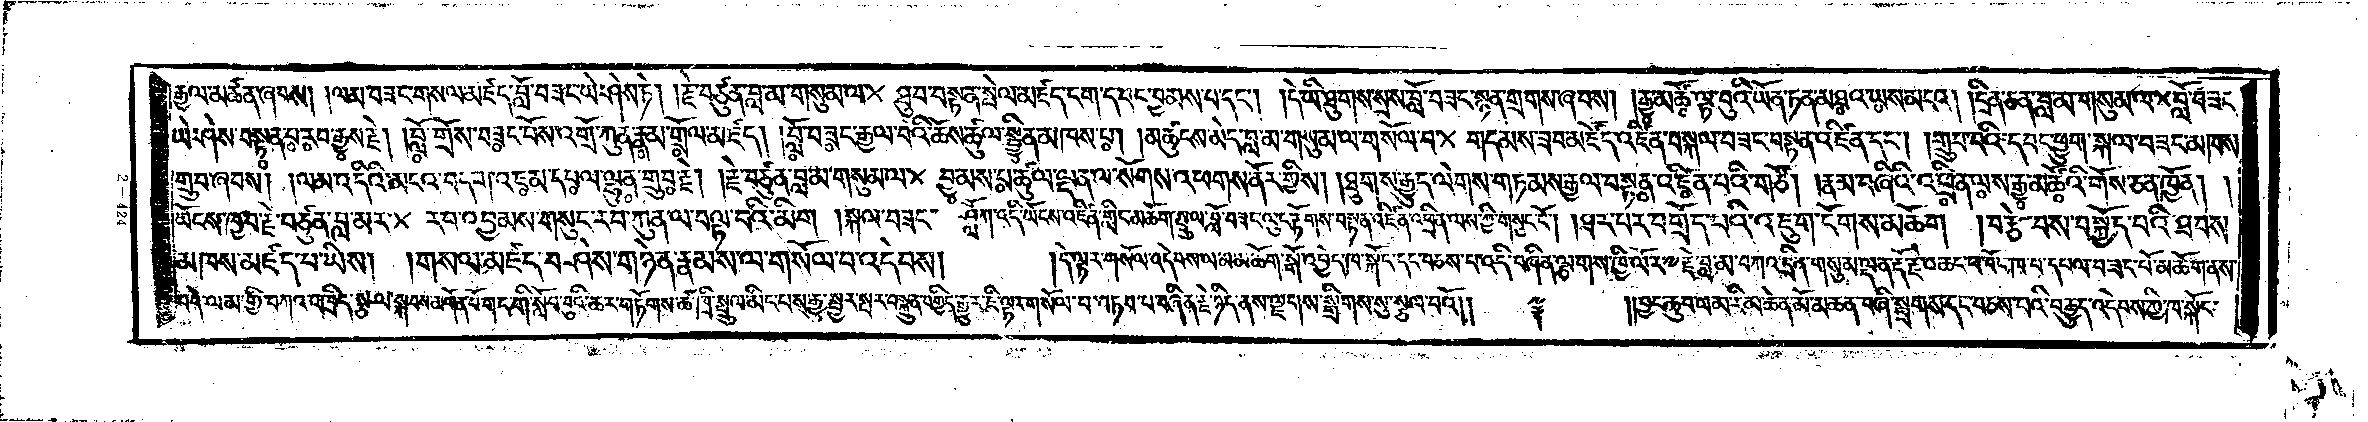རྒྱལ་མཚན་ཞབས། །ལམ་བཟང་གསལ་མཛད་བློ་བཟང་ཡེ་ཤེས་ཏེ། །རྗེ་བཙུན་བླ་མ་གསུམ་ལ་྾་ཐུབ་བསྟན་སྤེལ་མཛད་ངང་དབང་བྱམས་པ་དང་། །དེ་ཡི་ཐུགས་སྲས་བློ་བཟང་སྙན་གྲགས་ཞབས། །རྒྱ་མཚོ་ལྟ་བུའི་ཡོན་ཏན་མཐའ྾་ཡས྾་མངའ། །དྲིན་ཅན་བླ་མ་གསུམ་ལ་྾་བློ་བཟང་
ཡེ་ཤེས་བསྟན྾་བར྾་རྒྱུས྾་རྗེ། །བློ྾་གྲོས་བཟང྾་པོས་འགྲོ་ཀུན་རྣམ྾་གྲོལ྾་མཛད། །བློ྾་བཟང་རྒྱལ་བའི་ཆོས་ཚུལ་སྦྱིན་མཁས་པ྾། །མཚུངས་མེད་བླ་མ་གསུམ་ལ་གསོལ་བ་྾་གདམས་ཟབ་མཛོད་འཛིན་བསྐལ་བཟང་བསྟན་འཛིན་དང་། །གྲུབ་པའི་དབང་ཕྱུག་སྐལ་བཟང་མཁས་
གྲུབ་ཞབས། །ལམ་འདིའི་མངའ་བདག་འཇམ྾་དཔལ྾་ལྷུན྾་གྲུབ྾་རྗེ། །རྗེ་བཙུན་བླ་མ་གསུམ་ལ་྾་བྱམས྾་པ྾་ཚུལ་ལྡན་ལ་སོགས་འཕགས་ནོར་གྱིས། །ཐགས྾་རྒྱུད་ལེགས་གཏམས་རྒྱལ་བསྟན྾་འཛིན྾་པའི་གཙོ། །རྣམ་བཞིའི་འཕྲིན྾་ལས྾་རྒྱ྾་མཚོའི྾་གོས་ཅན་ཁྱོན། །
ཡོངས་ཁྱབ་རྗེ་བཙུན་བླ་མར་྾་རབ་འབྱམས་གསུང་རབ་ཀུན་ལ་བལྟ་བའི་མིག །སྐལ་བཟང་ཤླཽ་ཀ་འདི་ཡོངས་འཛིན་གླིང་མཆོག་སྤྲུལ་བློ་བཟང་ལུང་རྟོགས་བསྟན་འཛིན་འཕྲིན་ལས་ཀྱི་གསུང་ངོ།  །ཐར་པར་བགྲོད་པའི་འཇུག་ངོགས་མཆོག །བརྩེ་བས་བསྐྱོད་པའི་ཐབས་
མཁས་མཛད་པ་ཡིས། །གསལ་མཛད་བཤེས་གཉེན་རྣམས་ལ་གསོལ་བ་འདེབས། །དེ་ལྟར་གསོལ་འདེབས་ལམ་མཆོག་སྒོ་འབྱེད་ཁ་སྐོང་དང་བཅས་པ་འདི་བཞིན་ལྕགས་ཁྱི་ལོར ༧རྗེ་བླ་མ་བཀའ་དྲིན་གསུམ་ལྡན་རྡོ་རྗེ་འྕང་ཕ་བོང་ཁ་བ་དཔལ་བཟང་པོ་མཆོག་ནས་
བདེ་ལམ་གྱི་བཀའ་འཁྲིད་སྩལ་སྐབས་མགོན་པོ་གང་གི་སློབ་བུའི་ཆར་གཏོགས་ཚ་ཁྲི་སྤྲུལ་མིང་བས་རྒྱུ་སྦྱར་སྦར་བསྐྲུན་བགྱིད་རྒྱུར་ཇི་ལྟར་གསོལ་བ་བཏབ་པ་བཞིན་རྗེ་ཉིད་ནས་ལྗགས་སྒྲིགས་སུ་སྩལ་བའོ།། ༈ །།བྱང་ཆུབ་ལམ་རིམ་ཆེན་མོ་མཆན་བཞི་སྦྲག་དང་བཅས་པའི་བརྒྱུད་འདེབས་ཀྱི་ཁ་སྐོང